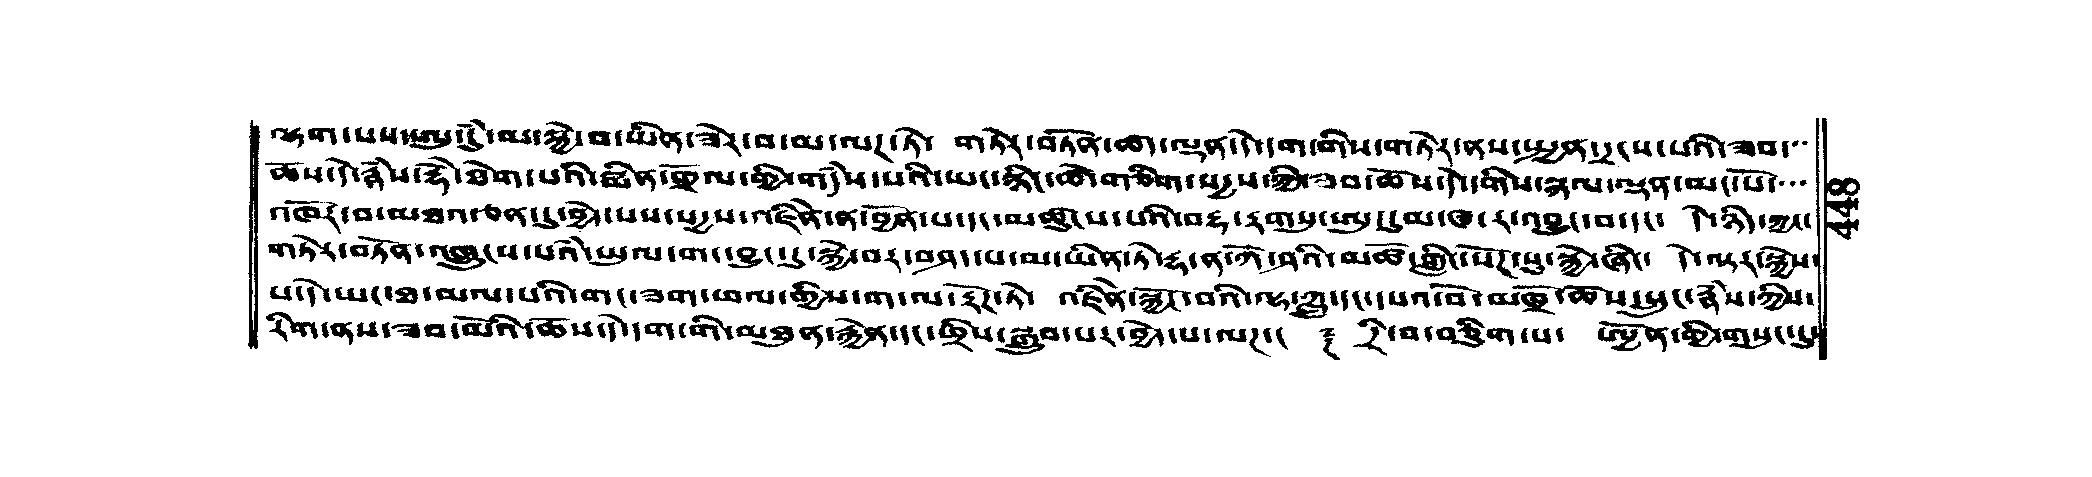ལྷག་པས་ཨུ་དུམ་ཝ་ར་མ་སྐྱེ་བ་ཡིན་ཟེར་བ་མ་ལགས་ཏེ། གཏེར་གཏོན་ཚད་ལྡན་དེ་དག་གིས་གཏེར་ནས་སྤྱན་དྲངས་པའི་ཟབ་
ཆོས་དེ་རྣམས་རྡོ་རྗེ་ཐེག་པའི་སྨིན་གྲོལ་གྱི་གདམས་པའི་ཡང་སྙིང་ཚེ་གཅིག་སངས་རྒྱས་ཀྱི་ཟབ་ཆོས་དེ་དག་གིས་སྐལ་ལྡན་མང་པོ་
འཁོར་བ་མཐའ་ཅན་དུ་བྱེད་པས་སངས་རྒྱས་འཇིག་རྟེན་ན་བྱོན་པ་དང་མཚུངས་པའི་བརྡ་རྟགས་སུ་ཨུ་དུམ་ཝ་ར་འབྱུང་བ་དང་།དེ་ཉིད་ཀྱང་
གཏེར་གཏོན་འཁྲུངས་པའམ་ཡུལ་གང་བྱུང་དུ་སྐྱེ་བར་བཤད་པ་མ་ཡིན་ཏེ་དྷ་ན་ཀོ་ཤའི་མཚོ་གླིང་སོགས་སུ་སྐྱེ་ཞིང་། དེ་ལྟར་སྐྱེས་
པ་དང་ཡང་ཐ་མལ་པའི་གང་ཟག་ཕལ་གྱིས་ག་ལ་རྟོགས་ཏེ། འཇིག་རྟེན་སྐྱོང་བའི་ལྷ་ཀླུ་དང་དཔའ་བོ་མཁའ་འགྲོ་ཆོས་སྲུང་རྣམས་ཀྱིས་
རིག་ནས་ཟབ་མོའི་ཆོས་དེ་དག་གི་མཐུན་རྐྱེན་དང་ཕྲིན་ལས་སྒྲུབ་པར་བྱེད་པ་ལགས། ༈ དྲི་བ་བཅུ་གཅིག་པ། ཨོ་རྒྱན་གྱི་གསུང་དུ་